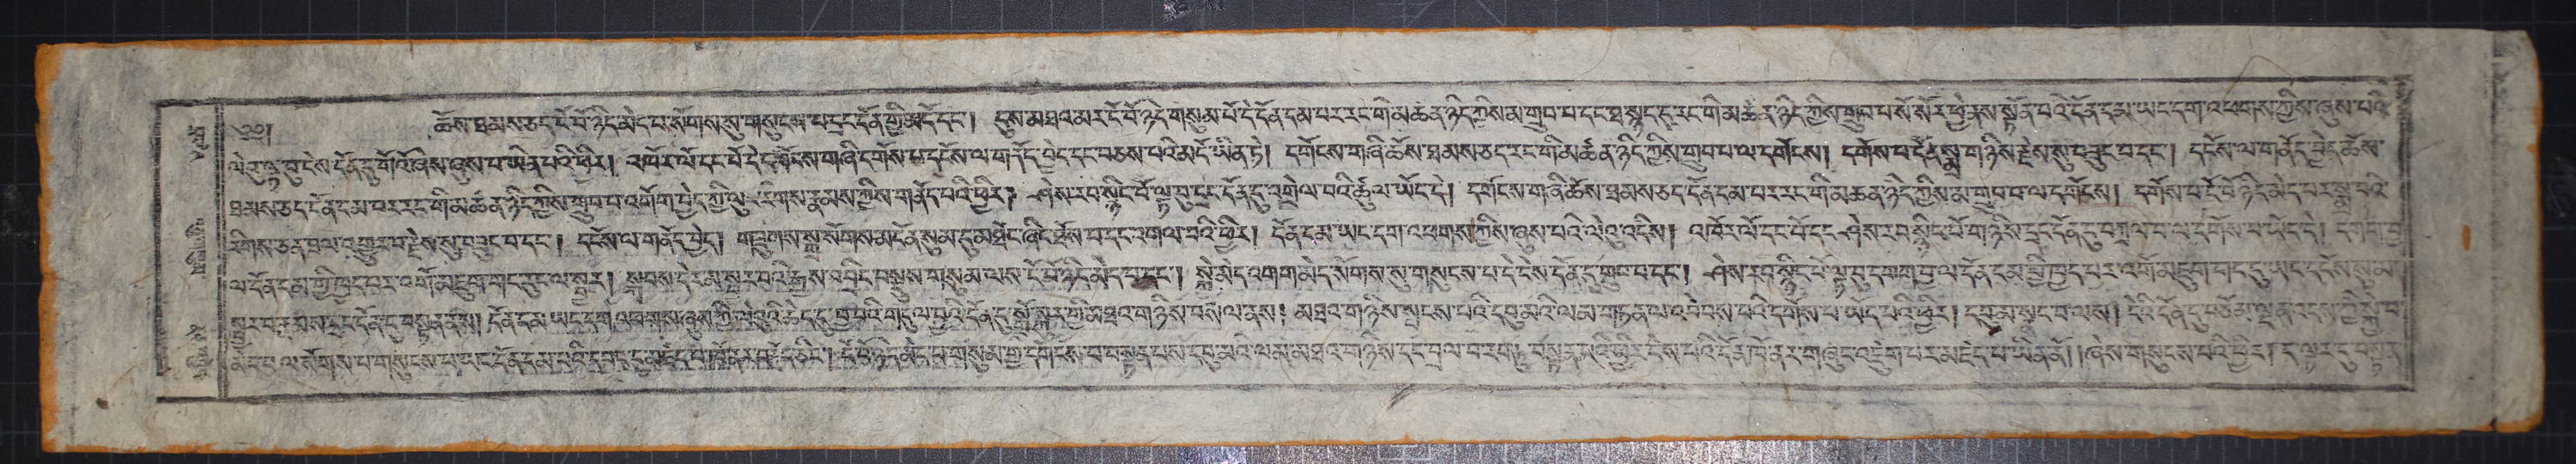༄༅། །ཆོས་ཐམས་ཅད་ངོ་བོ་ཉིད་མེད་པ་སོགས་སུ་གསུངས་པ་དྲང་དོན་གྱི་མདོ་དང་། དུས་མཐའ་མར་ངོ་བོ་ཉིད་གསུམ་པོ་དེ་དོན་དམ་པར་རང་གི་མཚན་ཉིད་ཀྱིས་མ་གྲུབ་པ་དང་ཐ་སྙད་དུ་རང་གི་མཚན་ཉིད་ཀྱིས་གྲུབ་པ་སོ་སོར་ཕྱེ་ནས་སྟོན་པའི་དོན་དམ་ཡང་དག་འཕགས་ཀྱིས་ཞུས་པའི་
ལེའུ་ལྟ་བུ་ངེས་དོན་དུ་གོའོ་ཞེས་ཞུས་པ་ཡིན་པའི་ཕྱིར། འཁོར་ལོ་དང་པོ་དེ་དགོངས་གཞི་དགོས་པ་དངོས་ལ་གནོད་བྱེད་དང་བཅས་པའི་མདོ་ཡིན་ཏེ། དགོངས་གཞི་ཆོས་ཐམས་ཅད་རང་གི་མཚན་ཉིད་ཀྱིས་གྲུབ་པ་ལ་དགོངས། དགོས་པ་དོན་སྨྲ་གཉིས་རྗེས་སུ་བཟུང་བ་དང་། དངོས་ལ་གནོད་བྱེད་ཆོས་
ཐམས་ཅད་དོན་དམ་པར་རང་གི་མཚན་ཉིད་ཀྱིས་གྲུབ་པ་འགོག་བྱེད་ཀྱི་ལུང་རིགས་རྣམས་ཀྱིས་གནོད་པའི་ཕྱིར། ཤེས་རབ་སྙིང་པོ་ལྟ་བུ་དྲང་དོན་དུ་འགྲེལ་བའི་ཚུལ་ཡོད་དེ། དགོངས་གཞི་ཆོས་ཐམས་ཅད་དོན་དམ་པར་རང་གི་མཚན་ཉིད་ཀྱིས་མ་གྲུབ་པ་ལ་དགོངས། དགོས་པ་ངོ་བོ་ཉིད་མེད་པར་སྨྲ་བའི་
རིགས་ཅན་ཐལ་འགྱུར་བ་རྗེས་སུ་བཟུང་བ་དང་། དངོས་ལ་གནོད་བྱེད། གཟུགས་སྒྲ་སོགས་མངོན་སུམ་དུ་མཐོང་ཞིང་ཐོས་པ་དང་འགལ་བའི་ཕྱིར། དོན་དམ་ཡང་དག་འཕགས་ཀྱིས་ཞུས་པའི་ལེའུ་འདིས། འཁོར་ལོ་དང་པོ་དང་ཤེས་རབ་སྙིང་པོ་གཉིས་དྲང་དོན་དུ་བཀྲལ་བ་ལ་དགོས་པ་ཡོད་དེ། དགག་བྱ་
ལ་དོན་དམ་གྱི་ཁྱད་པར་འགོ་མཇུག་གང་རུང་ལ་སྦྱར། སྐབས་དེར་མ་སྦྱར་བའི་རྒྱས་འབྲིང་བསྡུས་གསུམ་ལས་ངོ་བོ་ཉིད་མེད་པ་དང་། སྐྱེ་མེད་འགག་མེད་སོགས་སུ་གསུངས་པ་དེ་ངེས་དོན་དུ་གྲུབ་པ་དང་། ཤེས་རབ་སྙིང་པོ་ལྟ་བུ་དགག་བྱ་ལ་དོན་དམ་གྱི་ཁྱད་པར་འགོ་མཇུག་གང་དུ་ཡང་དངོས་སུ་མ་
སྦྱར་བ་རྣམས་དྲང་དོན་དུ་བསྟན་ནས། དོན་དམ་ཡང་དག་འཕགས་ཞུས་ཀྱི་ལེའུའི་ཆེད་དུ་བྱ་བའི་གདུལ་བྱའི་དོན་དུ་སྒྲོ་སྐུར་གྱི་མཐའ་གཉིས་བསལ་ནས། མཐའ་གཉིས་སྤངས་པའི་དབུ་མའི་ལམ་གཏན་ལ་འབེབས་པའི་དགོས་པ་ཡོད་པའི་ཕྱིར། དབུ་མ་སྣང་བ་ལས། དེའི་དོན་དུ་བཅོམ་ལྡན་འདས་ཀྱི་སྐྱེ་བ་
མེད་པ་ལ་སོགས་པ་གསུངས་པ་ཡང་དོན་དམ་པའི་དབང་དུ་མཛད་པ་ཁོ་ནར་བརྗོད་ཅིང་། ངོ་བོ་ཉིད་མེད་པ་གསུམ་གྱི་དགོངས་པ་བསྟན་པས་དབུ་མའི་ལམ་མཐའ་གཉིས་དང་བྲལ་བ་རབ་ཏུ་བསྟན་པའི་ཕྱིར་ངེས་པའི་དོན་ཁོ་ནར་གཞུང་འཛུག་པར་མཛད་པ་ཡིན་ནོ། །ཞེས་གསུངས་པའི་ཕྱིར། དེ་ལྟར་དུ་བསྟན་